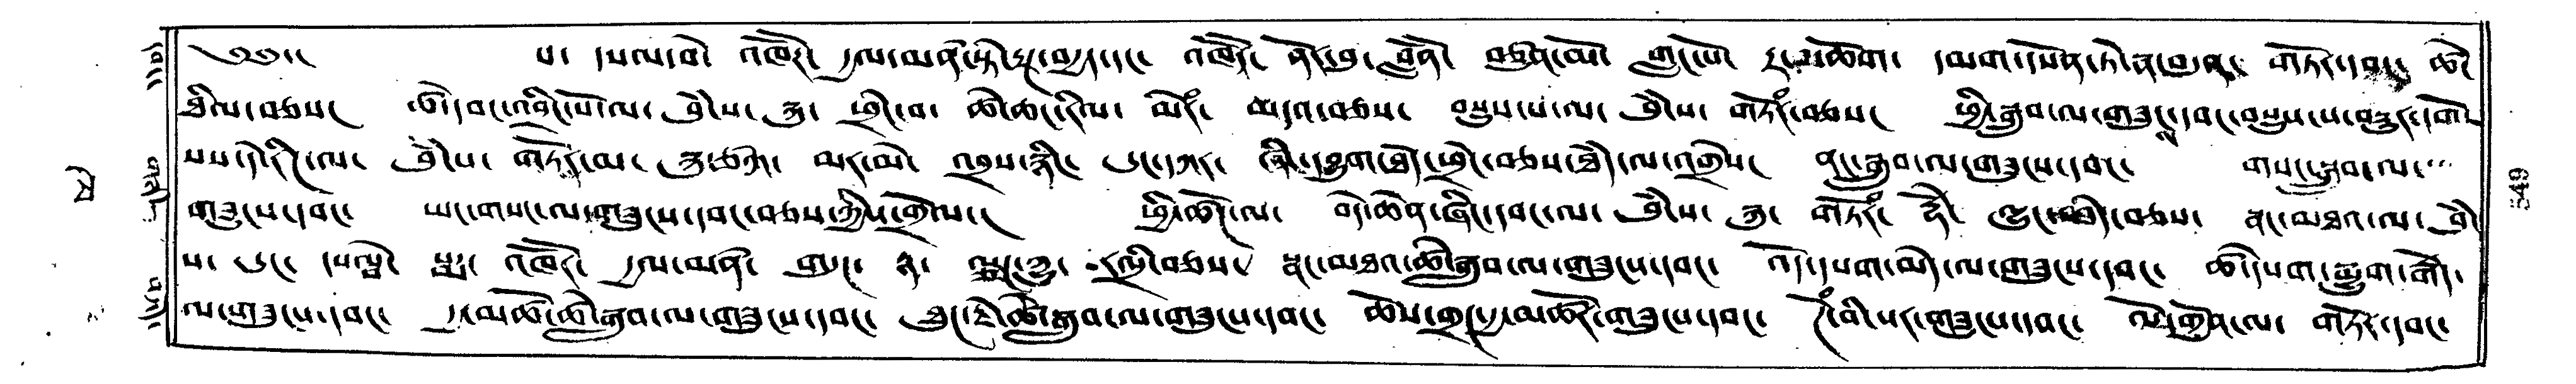པ། དཔལ་བེ། འཁོར་ལོ། རྒྱལ་མཚན་སྟེ་རྟགས་བརྒྱད་དང་། འཁོར་ལོ། ནོར་བུ། བློན་དཔོན། བཙུན་མོ། གླང་པོ། རྟ་མཆོག། དམག་དཔོན་ཏེ་སྣ་བདུན། གཏོར་དབང་། ཚེ་
ཐིལ་བཅས། ཚེ་དབང་འབྲིང་པོ་ལ། བུམ་པ། སྐུ། ཕྲེང་བ། ཚེ་ཆང་རིལ། མར་མེ། མདའ་བཅས། བསྡུས་པ་ལ། བུམ་པ། གཏོར་མ་བཅས། ཕྱི་སྒྲུབ་ལ་གཟུངས་དབང་བསྡུས་པ་བསྐུར་དགོས་
པ་དེ་རིགས་ལ། བུམ་པ། གཏོར་མ། སྐུ་ཙཀ། མར་མེ། འབྲས་སྙིང་། དུང་དཀར། ཞིར་དབྱུག་ཐོད་ཕྲེང་བཅས་ཐམས་ཅད་ལ་འགྲེས། ནང་སྒྲུབ་ལ་གཟུངས་དབང་། གསང་སྒྲུབ་ལ་
གཟུངས་དབང་། ཡང་གསང་ལ་གཟུངས་དབང་བཅས་ཀྱིས་གྲོལ། ཕྱི་ཚོགས་ལ། བདེ་ཆེན་ཞིང་དབང་ལ། བུམ་པ། སྐུ། གཏོར་མ། རྡོ་རྗེ་ལྷུང་བཟད་བཅས། སྣང་མཐའ་ལ། བུམ་
པ། དུང་། དཔལ་བོ། པདྨ། འཁོར་ལོ།རྒྱལ་མཚན། གདུགས། ཉ། ལྕགས་ཀྱུ། རལ་གྲི་བཅས། སྣང་མཐའ་ཚེ་སྒྲུབ་ལ་གཟུངས་དབང་། འོད་དཔག་མེད་ལ་གཟུངས་དབང་། ཚེ་དཔག་སྨྱུག་རྒོད་
ལ་གཟུངས་དབང་། རྒྱ་མཚོ་ཚེ་སྒྲུབ་ལ་གཟུངས་དབང་། ཐུགས་རྗེ་ཚེ་སྒྲུབ་ལ་གཟུངས་དབང་། ཆོས་གྲགས་རྒྱ་མཚོར་གཟུངས་དབང་། ཌོཾ་བྷི་པར་གཟུངས་དབང་། ལོ་གྱོན་ལ་གཏོར་དབང་།